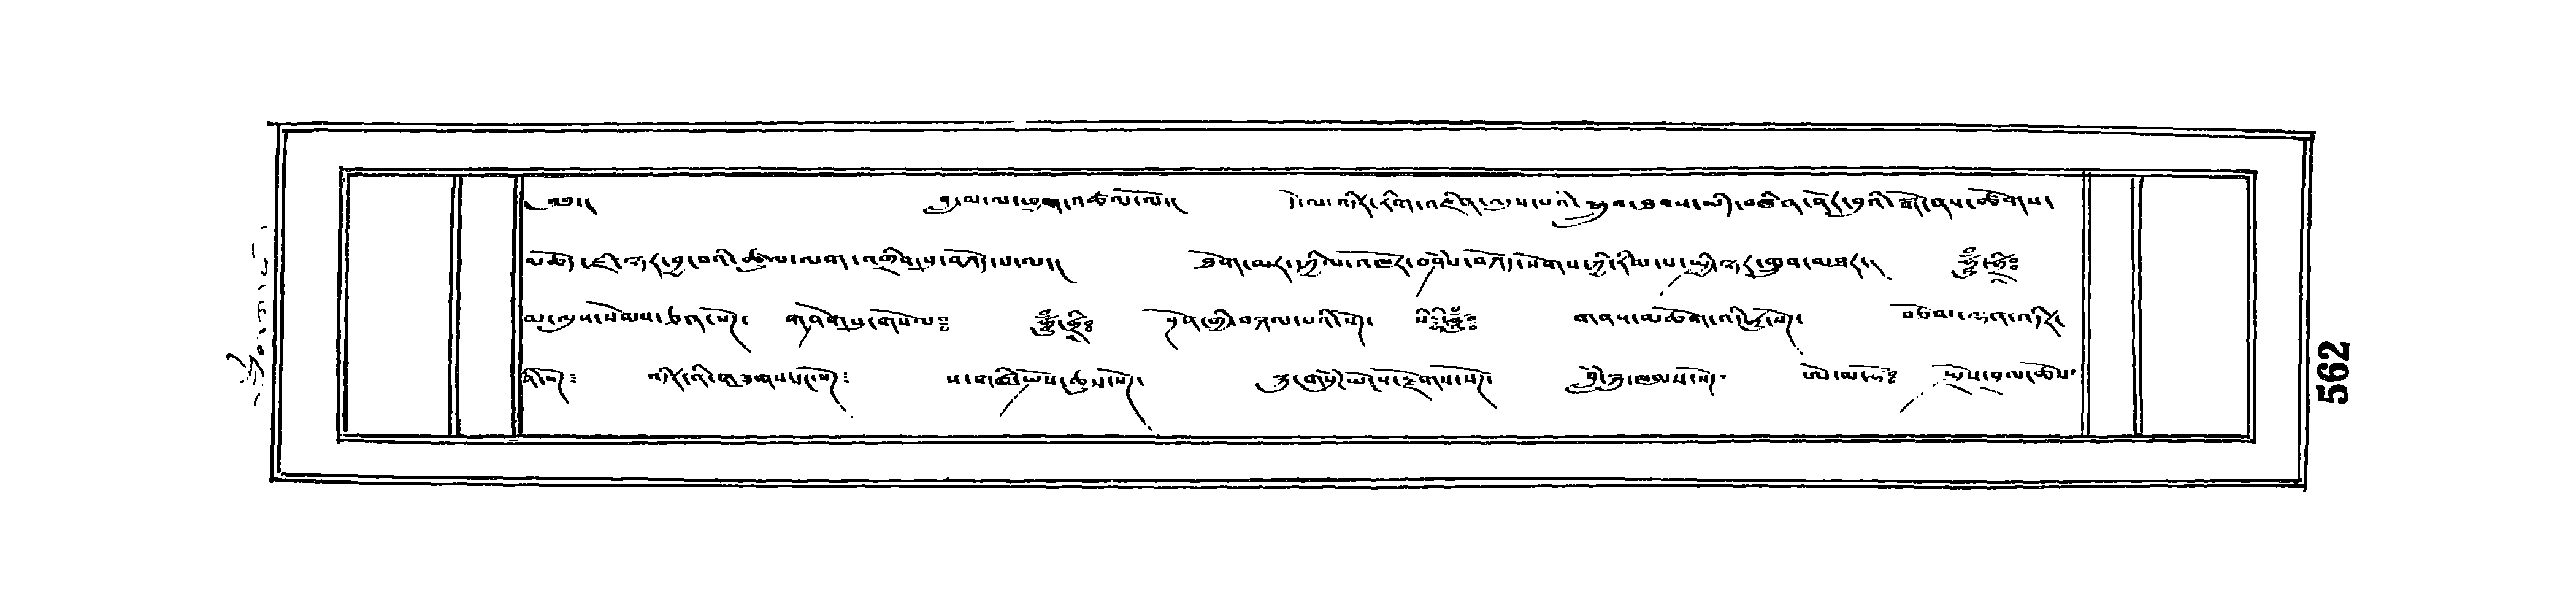བླ་མ་ལ་ཕྱག་འཚལ་ལོ། དེ་ལ་འདིར་རིག་འཛིན་འདུས་པའི་སྒྲུབ་ཐབས་ཡིད་བཞིན་ནོར་བུའི་སྒོ་ནས་ཚོགས་
མཆོད་ཇི་ལྟར་བྱ་བའི་ཚུལ་ལག་འགྲིགས་སུ་བཀོད་པ་ལ། ཐོག་མར་དཀྱིལ་འཁོར་བཤམས་བཀོད་སོགས་ཀྱི་རིམ་པ་སྤྱི་ལྟར་གྲུབ་མཐར། ཧཱུྃ་ཧྲཱིཿ 
མ་ལུས་སེམས་ཅན་སོགས། གཤེགས་སུ་གསོལ། ཧཱུྃ་ཧྲཱིཿ སྔོན་གྱི་བསྐལ་པའི་སོགས། སིདྡྷི་ཧཱུྃ༔ གནས་མཆོག་འདི་རུ་སོགས། བཅོམ་ལྡན་འདིར་
ནི་སོགས། འདིར་ནི་གཟུགས་དང་སོགས། སྐུ་གསུམ་ཡོངས་རྫོགས་སོགས། བླ་མ་སྐུ་ཁམས་སོགས། ཨེ་མ་ཧོཿ སྤྲོས་བྲལ་ཆོས་